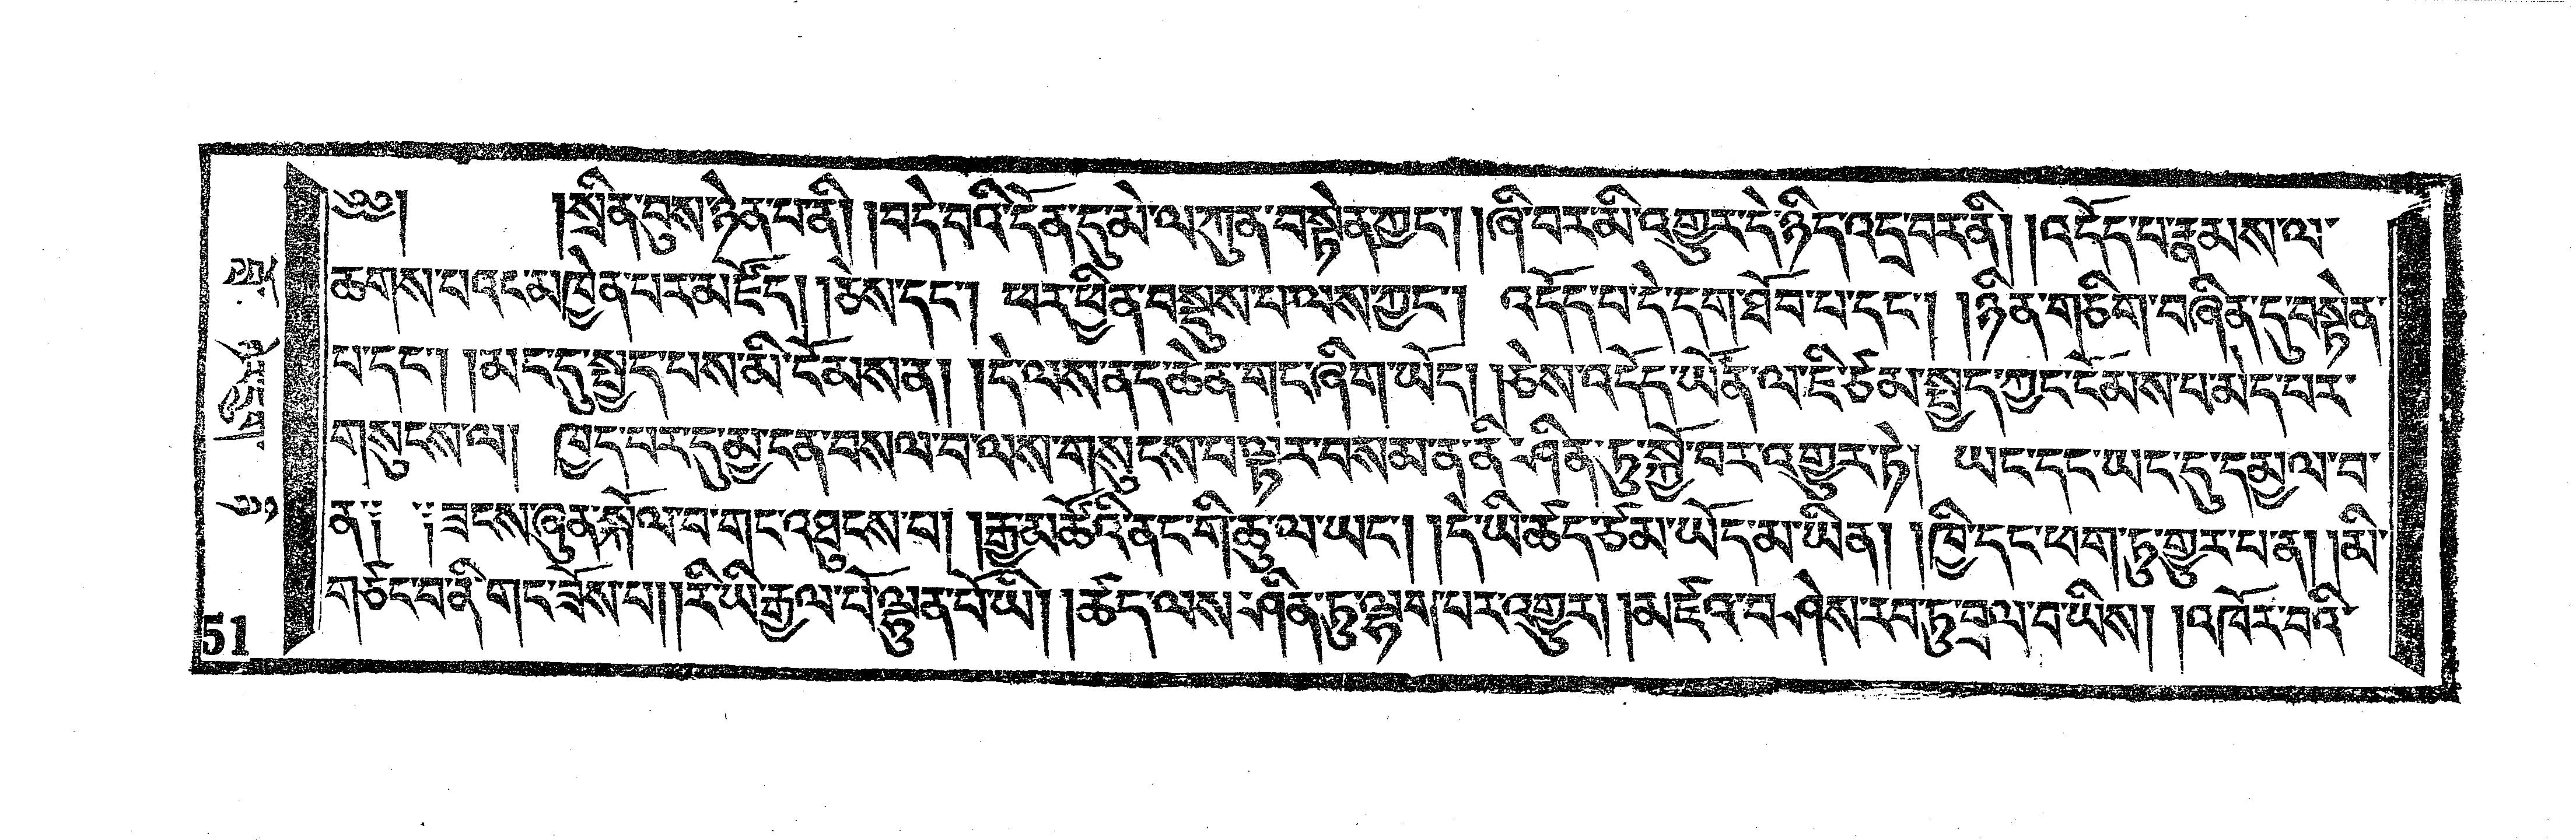༄༅། །སྲིན་བུས་ཉེན་པ་ནི། །བདེ་བའི་དོན་དུ་མེ་ལ་ཀུན་བསྟེན་ཀྱང་། །ཞི་བར་མི་འགྱུར་དེ་ཉིད་འདྲ་བར་ནི། །འདོད་པ་རྣམས་ལ་
ཆགས་པའང་མཁྱེན་པར་མཛོད། །ཅེས་དང་། ཕར་ཕྱིན་བསྡུས་པ་ལས་ཀྱང་། འདོད་པ་དེ་དག་ཐོབ་པ་དང་། །ཉིན་གཅིག་བཞིན་དུ་བསྟེན་
པ་དང་། །མང་དུ་སྤྱད་པས་མི་ངོམས་ན། །དེ་ལས་ནད་ཆེན་གང་ཞིག་ཡོད། །ཅེས་འདོད་ཡོན་ལ་ཇི་ཙམ་སྤྱད་ཀྱང་ངོམས་པ་མེད་པར་
གསུངས་ལ། ཁྱད་པར་དུ་མྱ་ངན་བསལ་བ་ལས་གསུངས་པ་ལྟར་བསམ་ན་ནི་ཤིན་ཏུ་སྐྱོ་བར་འགྱུར་ཏེ། ཡང་དང་ཡང་དུ་དམྱལ་བ་
ན༑ ༑ཟངས་ཞུན་སྐོལ་བ་གང་འཐུངས་པ། །རྒྱ་མཚོའི་ནང་གི་ཆུ་ལ་ཡང་། །དེ་ཡི་ཚད་ཙམ་ཡོད་མ་ཡིན། །ཁྱི་དང་ཕག་ཏུ་གྱུར་པ་ན། །མི་
གཙང་བ་ནི་གང་ཟོས་པ། །རི་ཡི་རྒྱལ་པོ་ལྷུན་པོ་ཡི། །ཚད་ལས་ཤིན་ཏུ་ལྷག་པར་འགྱུར། །མཛའ་བཤེས་རབ་ཏུ་བྲལ་བ་ཡིས། །འཁོར་བའི་